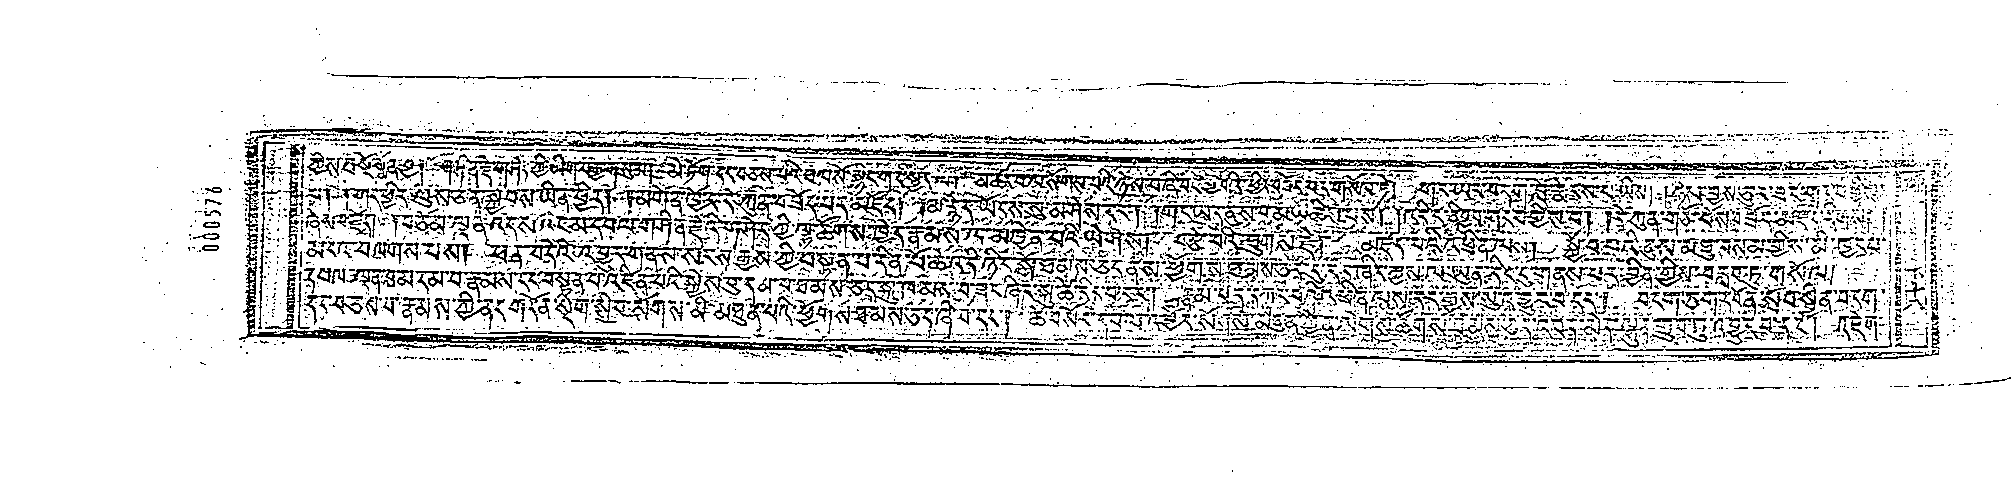ཀྱིས་བསྔོ་སྨོན་བྱ། གཤིན་རྗེ་གཤེད་ཀྱི་ཡིག་བརྒྱ་གསུམ། མེ་ཏོག་དང་བཅས་པའི་ཐལ་སོ་སྙིང་གར་སྦྱར་ལ། མ་ཚང་བ་ལ་སོགས་པའི་ཉེས་བཞི་བར་བྱ་བའི་ཕྱིར་བཟོད་པར་གསོལ་ཏེ། གང་ཡང་བདག་བློ་རྨེངས་པ་ཡིས། །ཉེས་བྱས་ཅུང་ཟད་གང་བགྱིས་
པ། །གང་ཕྱིར་ལུས་ཅན་སྐྱབས་ཡིན་ཕྱིར། །མགོན་ཁྱོད་དེ་ཀུན་བཟོད་པར་མཛོད། །མ་རྙེད་ཡོངས་སུ་མ་ཤེས་དང་། །གང་ཡང་ནུས་པ་མ་མཆིས་པས། །འདིར་ནི་བྱ་བ་གང་བགྱིས་བ། །དེ་ཀུན་གཙོ་བོས་བཟོད་མཛད་རིགས། །
ཞེས་བརྗོད། །བཅོམ་ལྡན་འདས་འཇམ་དཔལ་གཤིན་རྗེའི་གཤེད་ཀྱི་ལྷ་ཚོགས་ཁྱེད་རྣམས་ལ་མཁྱེན་པའི་ཡེ་ཤེས། བརྩེ་བའི་ཐུགས་རྗེ། མཛད་པའི་འཕྲིན་ལས། སྐྱོབ་པའི་ནུས་མཐུ་བསམ་གྱིས་མི་ཁྱབ་པ་
མངའ་བ་ལགས་པས། ཕན་བདེའི་འབྱུང་གནས་སངས་རྒྱས་ཀྱི་བསྟན་པ་རིན་པོ་ཆེ་འདི་ཉིད་སྒོ་ཐམས་ཅད་ནས་ཕྱོགས་ཐམས་ཅད་དུ་རང་ཞིང་རྒྱས་ལ་ཡུན་རིང་དུ་གནས་པར་བྱིན་གྱིས་བརླབ་ཏུ་གསོལ།
དཔལ་ལྡན་བླ་མ་དམ་པ་རྣམས་དང་བསྟན་པ་འཛིན་པའི་སྐྱེས་བུ་དམ་པ་ཐམས་ཅད་སྐུ་ཁམས་བཟང་ཞིང་སྐུ་ཚེ་རིང་བ་དང་། རྣམ་པར་དཀར་བའི་འཕྲིན་ལས་དང་རྒྱས་སུ་འབྱུང་བ་དང་། བདག་ཅག་དབོན་སློབ་སྦྱིན་བདག་
དང་བཅས་པ་རྣམས་ཀྱི་ནང་གདོན་སྡིག་སྒྲིབ་སོགས་མི་མཐུན་པའི་ཕྱོགས་ཐམས་ཅད་ཞི་བ་དང་། ཚེ་བསོད་དབལ་འབྱོར་སོགས་མཐུན་རྐྱེན་ལེགས་ཚོགས་ཐམས་ཅད་འབད་མེད་ལྷུན་གྲུབ་ཏུ་འབྱུང་བ་དང་། འཇིག་